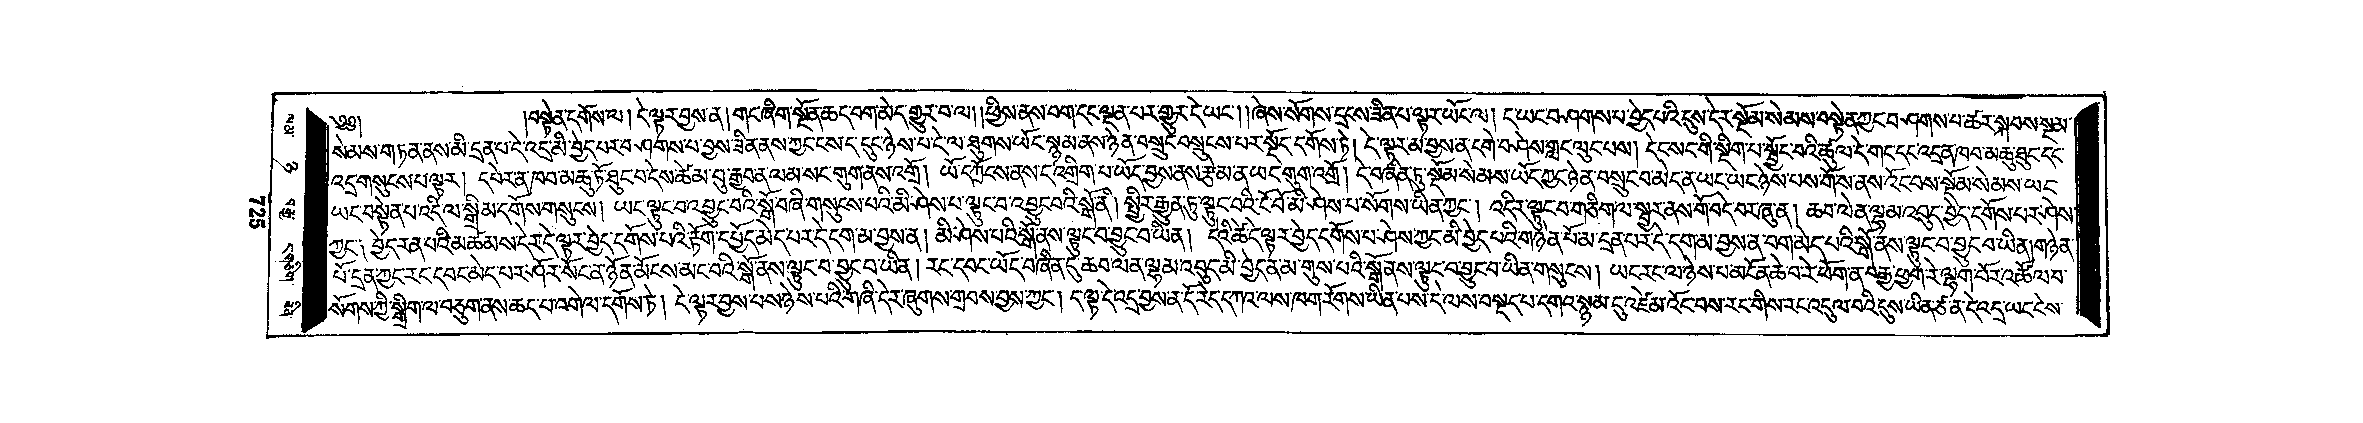༄༅། །བསྟེན་དགོས་ལ། དེ་ལྟར་བྱས་ན། གང་ཞིག་སྔོན་ཆད་བག་མེད་གྱུར་བ་ལ། །ཕྱིས་ནས་བག་དང་ལྡན་པར་གྱུར་དེ་ཡང་། །ཞེས་སོགས་དྲངས་ཟིན་པ་ལྟར་ཡོང་ལ། ང་ཡང་བཤགས་པ་བྱེད་པའི་དུས་དེར་སྡོམ་སེམས་བསྟེན་ཀྱང་བཤགས་པ་ཚར་སྐབས་སྔ་མ་
སེམས་གཏན་ནས་མི་དྲན་པ་དེ་འདྲ་མི་བྱེད་པར་བཤགས་པ་བྱས་ཟིན་ནས་ཀྱང་ངས་ད་དུང་ཉེས་པ་དེ་ལ་ཐུགས་ཡོང་སྙམ་ནས་ཉེན་བསྲུང་བསྲུངས་པར་སྡོད་དགོས་ཏེ། དེ་ལྟར་མ་བྱས་ན་དགེ་བཤེས་གླང་ལུང་པས། དེང་སང་གི་སྡིག་པ་སྦྱོང་བའི་ཚུལ་དེ་གང་དང་འདྲན་ཁབ་མཆུ་ཐུང་དང་
འདྲ་གསུངས་པ་ལྟར། དཔེར་ན་ཁབ་མཆུ་ཏོ་ཐུང་བ་དེས་ཚེམ་བུ་རྒྱབ་ན་ལམ་སང་གུག་ནས་འགྲོ་།ཡོ་དཀྲོངས་ནས་ད་འགྲིག་པ་ཡོད་བྱས་ནས་རྩེམ་ན་ཡང་གུག་འགྲོ་།དེ་བཞིན་ཏུ་སྡོམ་སེམས་ཡོད་ཀྱང་ཉེན་བསྲུང་བ་མེད་ན་ཡང་ཡང་ཉེས་པས་གོ་ས་ནས་འོང་བས་སྡོམ་སེམས་ཡང་
ཡང་བསྟེན་པ་འདི་ལ་སྒྲིམ་དགོས་གསུངས། ཡང་ལྟུང་བ་འབྱུང་བའི་སྒོ་བཞི་གསུངས་པའི་མི་ཤེས་པ་ལྟུང་བ་འབྱུང་བའི་སྒོ་ནི། སྤྱིར་རྒྱུན་ཏུ་ལྟུང་བའི་ངོ་བོ་མི་ཤེས་པ་སོགས་ཡིན་ཀྱང་། འདིར་ལྟུང་བ་གཅིག་ལ་སྦྱར་ནས་གོ་བདེ་བར་ཞུ་ན། ཆབ་ལེན་ལྷམ་འབུད་བྱེད་དགོས་པར་ཤེས་
ཀྱང་། བྱེད་རན་པའི་མཚམས་དེར་དེ་ལྟར་བྱེད་དགོས་པའི་རྟོག་དཔྱོད་མེད་པར་དེ་དག་མ་བྱས་ན། མི་ཤེས་པའི་སྒོ་ནས་ལྟུང་བ་བྱུང་བ་ཡིན། དེའི་ཚེ་དེ་ལྟར་བྱེད་དགོས་པ་ཤེས་ཀྱང་མི་བྱེད་པའི་གཉེན་པོ་མ་དྲན་པར་དེ་དག་མ་བྱས་ན་བག་མེད་པའི་སྒོ་ནས་ལྟུང་བ་བྱུང་བ་ཡིན། གཉེན་
པོ་དྲན་ཀྱང་རང་དབང་མེད་པར་ཤོར་སོང་ན་ཉོན་མོངས་མང་བའི་སྒོ་ནས་ལྟུང་བ་བྱུང་བ་ཡིན། རང་དབང་ཡོད་བཞིན་དུ་ཆབ་ལན་ལྷམ་འབུད་མི་བྱེད་ན་མ་གུས་པའི་སྒོ་ནས་ལྟུང་བ་བྱུང་བ་ཡིན་གསུངས། ཡང་རང་ལ་ཉེས་པ་མངོན་ཆེ་བ་རེ་ཕོག་ན་བརྒྱ་ཕྱག་རེ་ལྷག་པོར་འཚོལ་བ་
སོགས་ཀྱི་སྒྲིག་ལ་བཅུག་ནས་ཆད་པ་འགེལ་དགོས་ཏེ། དེ་ལྟར་བྱས་པས་ཉེས་པའི་གཞི་དེར་ཞུགས་གྲབས་བྱས་ཀྱང་། ད་ལྟ་དེ་འདྲ་བྱས་ན་དོ་རེད་དཀའ་ལས་ཁག་རོགས་ཡིན་པས་དེ་ལས་བསྡད་པ་དགའ་སྙམ་དུ་འཛེམ་འོང་བས་རང་གིས་རང་འདུལ་བའི་དུས་ཡིན་ཙ་ན་དེ་འདྲ་ཡང་ངེས་